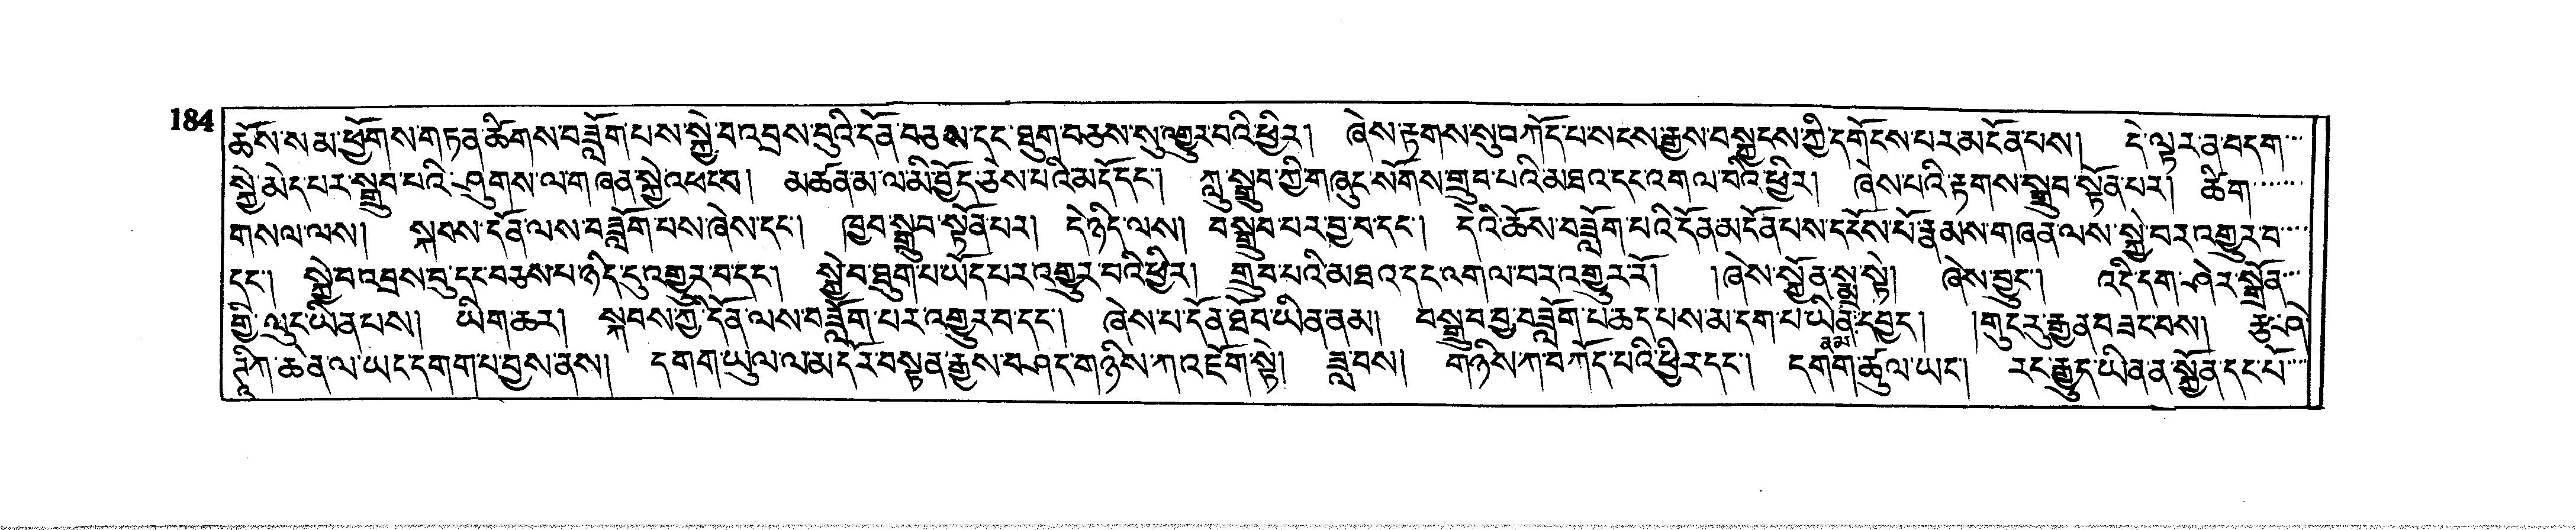ཆོས་སམ་ཕྱོགས་གཏན་ཚིགས་བཟློག་པས་སྐྱེ་བ་འབྲས་བུའི་དོན་བཅས་དང་ཐུག་བཅས་སུ་འགྱུར་བའི་ཕྱིར། ཞེས་རྟགས་སུ་བཀོད་པ་སངས་རྒྱས་བསྐྱངས་ཀྱི་དགོངས་པར་མངོན་པས། དེ་ལྟར་ན་བདག་
སྐྱེ་མེད་པར་སྒྲུབ་པའི་ཤུགས་ལ་གཞན་སྐྱེ་འཕང་བ། མཚན་མ་ལ་མི་བྱོད་ཅེས་པའི་མདོ་དང་། ཀླུ་སྒྲུབ་ཀྱི་གཞུང་སོགས་གྲུབ་པའི་མཐའ་དང་འགལ་བའི་ཕྱིར། ཞེས་པའི་རྟགས་སྒྲུབ་སྟོན་པར། ཚིག་
གསལ་ལས། སྐབས་དོན་ལས་བཟློག་པས་ཞེས་དང་། ཁྱབ་སྒྲུབ་སྟོན་པར། དེ་ཉིད་ལས། བསྒྲུབ་པར་བྱ་བ་དང་། དེའི་ཆོས་བཟློག་པའི་དོན་མངོན་པས་དངོས་པོ་རྣམས་གཞན་ལས་སྐྱེ་བར་འགྱུར་བ་
དང་། སྐྱེ་བ་འབྲས་བུ་དང་བཅས་པ་ཉིད་དུ་འགྱུར་བ་དང་། སྐྱེ་བ་ཐུག་པ་ཡོད་པར་འགྱུར་བའི་ཕྱིར། གྲུབ་པའི་མཐའ་དང་འགལ་བར་འགྱུར་རོ། །ཞེས་སྐྱོན་སྨྲ་སྟེ། ཞེས་བྱུང་། འདི་དག་ཤེར་སྒྲོན་
གྱི་ལུང་ཡིན་པས། ཡིག་ཆར། སྐབས་ཀྱི་དོན་ལས་བཟློག་པར་འགྱུར་བ་དང་། ཞེས་པ་དོན་ཐོབ་ཡིན་ནམ། བསྒྲུབ་བྱ་བཟློག་པ་ཆད་པས་མ་དག་པ་ཡིན་ནམ་དབྱད། །གུང་རུ་རྒྱན་བཟང་བས། རྩ་ཤེ་
ཊཱིཀ་ཆེན་ལ་ཡང་དགག་པ་བྱས་ནས། དགག་ཡུལ་ལ་མདོར་བསྟན་རྒྱས་བཤད་གཉིས་ཀ་འཇོག་སྟེ། ཟླ་བས། གཉིས་ཀ་བཀོད་པའི་ཕྱིར་དང་། དགག་ཚུལ་ཡང་། རང་རྒྱུད་ཡིན་ན་སྐྱོན་དང་པོ་